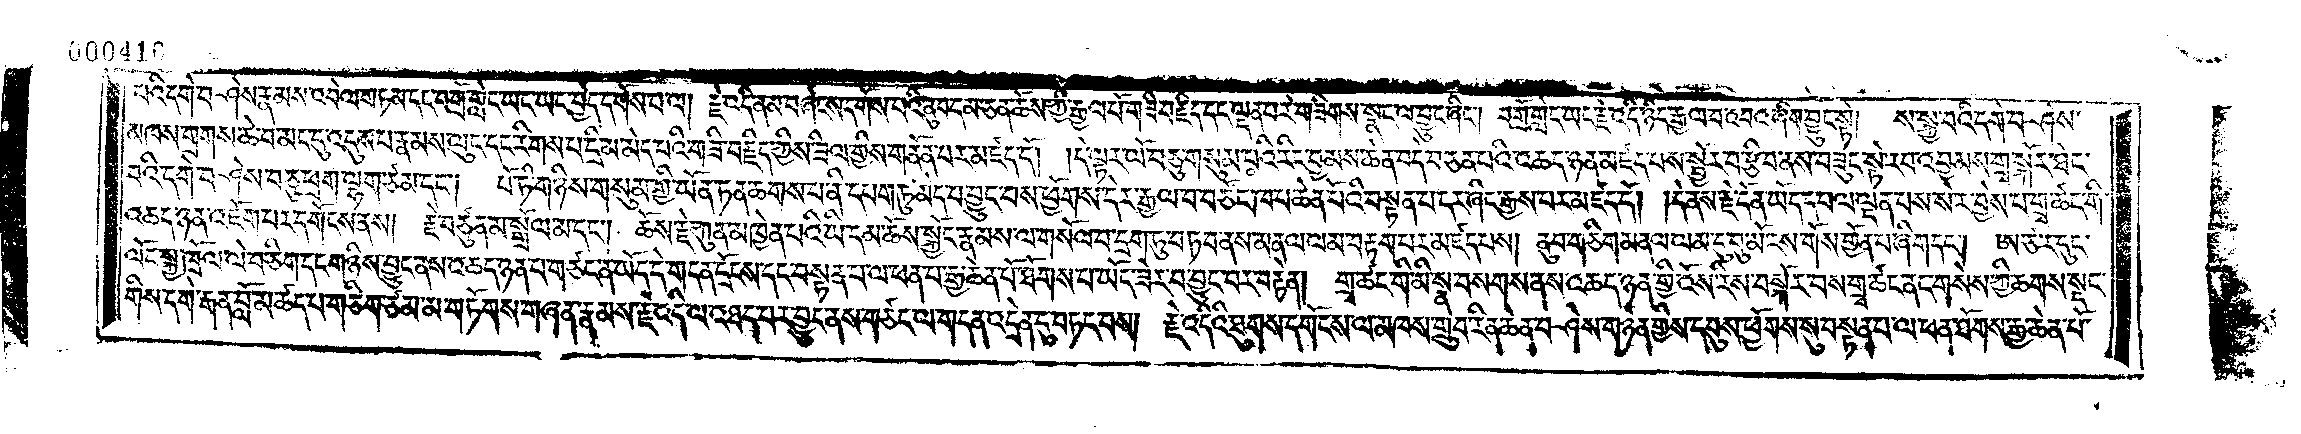པའི་དགེ་བཤེས་རྣམས་འབེལ་གཏམ་དང་བ་གྲོ་གླེང་ཡང་ཡང་བྱེད་དགོས་པ་ལ། རྗེ་འདི་ནམ་བཞེངས་དགོས་པའི་ནུབ་དམ་ཅན་ཆོས་ཀྱི་རྒྱལ་བོ་གཟི་བརྗིད་དང་ལྡན་པ་རེ་གཟིགས་སྣང་ལ་བྱུང་ཞིང་། བགྲོ་གླེང་ཡང་རྗེ་འདི་ཉིད་རྒྱལ་བ་འབའ་ཞིག་བྱུང་སྟེ། ས་སྐྱ་བའི་དགེ་བཤེས་
མཁས་གྲགས་ཆེ་བ་མང་དུ་འདུས་པ་རྣམས་ལུང་དང་རིགས་པ་དྲི་མ་མེད་པའི་གཟི་བརྗིད་ཀྱིས་ཟིལ་གྱིས་གནོན་པར་མཛད་དོ། །དེ་ལྟར་ལོ་བཅུ་གསུམ་པའི་རིང་བྱམས་ཆེན་བདེ་བ་ཅན་པའི་འཆད་ཉན་མཛད་པས་སྦྱོར་བ་རྩིབ་ནས་བཟུང་སྟེ་རབ་འབྱམས་གྲྭ་སྐོར་ཐེང་
བའི་དགེ་བཤེས་བཅུ་ཕྲག་ལྷག་ཙམ་དང་། པོ་ཏི་གཉིས་གསུམ་གྱི་ཡོན་ཏན་ཆགས་པ་ནི་དཔག་ཏུ་མེད་པ་བྱུང་བས་ཕྱོགས་དེར་རྒྱལ་བ་བཙོང་ཁ་པ་ཆེན་པོའི་བསྟན་པ་དར་ཞིང་རྒྱས་པར་མཛད་དོ། །དེ་ནས་རྗེ་དོན་ཡོད་དཔལ་ལྡན་པས་སེར་བྱེས་པ་གྲྭ་ཚང་གི་
འཆད་ཉན་འཇོག་པར་དགོངས་ནས། རྗེ་བཙུན་མ་སྒྲོལ་མ་དང་། ཆོས་རྗེ་ཀུན་མཁྱེན་པའི་ཡི་དམ་ཆོས་སྐྱོང་རྣམས་ལ་གསོལ་བ་དྲག་ཏུ་བཏབ་ནས་མནལ་ལམ་བརྟག་པར་མཛད་པས། ནུབ་གཅིག་མནལ་ལམ་དུ་བུ་མོ་རས་གོས་གྱོན་པ་ཞིག་དང་། ཨ་ཙ་ར་དུང་
ལོང་སྐྱ་ཁྲོལ་ལེ་བ་ཅིག་དང་གཉིས་བྱུང་ནས་འཆད་ཉན་པ་གཙང་ན་ཡོད་དེ་གདན་དྲོངས་དང་བསྟན་པ་ལ་ཕན་པ་རྒྱ་ཆེན་པོ་ཐོགས་པ་ཡོད་ཟེར་བ་བྱུང་བར་བརྟེན། གྲྭ་ཚང་གི་མི་སྣ་བསགས་ནས་འཆད་ཉན་གྱི་འོས་རིས་བསྐོར་བས་གྲྭ་ཚང་ནང་གསེས་ཀྱི་ཆགས་སྡང་
གིས་དགེ་རྒན་བློ་མ་ཚད་པ་གཅིག་ཙམ་མ་གཏོགས་གཞན་རྣམས་རྗེ་འདི་ལ་འཐད་པར་བྱུང་ནས་གཙང་ལ་གདན་འདྲེན་དུ་བཏང་བས། རྗེ་འདིའི་ཐུགས་དགོངས་ལ་མཁས་གྲུབ་རིན་ཆེན་བཤེས་གཉེན་གྱིས་དབུས་ཕྱོགས་སུ་བསྟན་པ་ལ་ཕན་ཐོགས་རྒྱ་ཆེན་པོ་